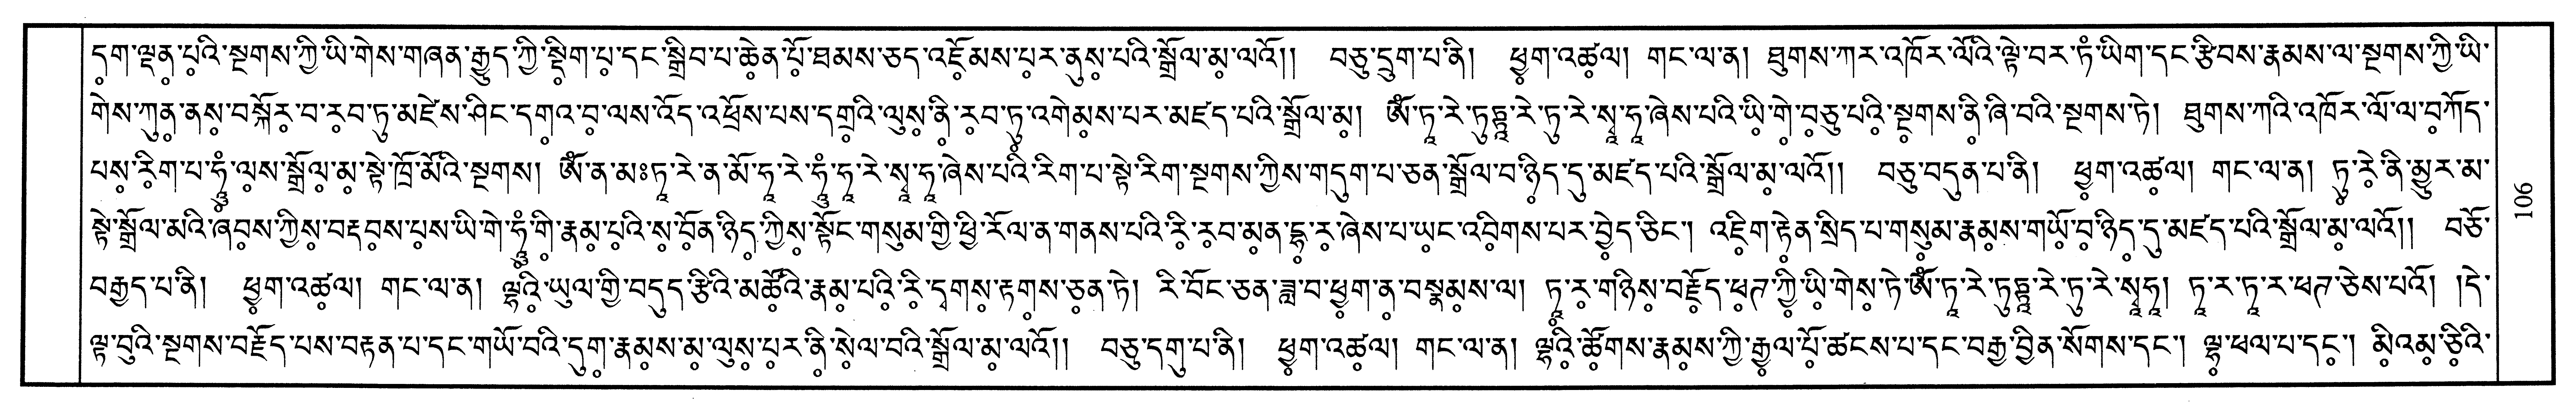དག་ལྡན་པའི་སྔགས་ཀྱི་ཡི་གེས་གཞན་རྒྱུད་ཀྱི་སྡིག་པ་དང་སྒྲིབ་པ་ཆེན་པོ་ཐམས་ཅད་འཇོམས་པར་ནུས་པའི་སྒྲོལ་མ་ལའོ།། བཅུ་དྲུག་པ་ནི། ཕྱག་འཚལ། གང་ལ་ན། ཐུགས་ཀར་འཁོར་ལོའི་ལྟེ་བར་ཏཾ་ཡིག་དང་རྩིབས་རྣམས་ལ་སྔགས་ཀྱི་ཡི་
གེས་ཀུན་ནས་བསྐོར་བ་རབ་ཏུ་མཛེས་ཤིང་དགའ་བ་ལས་འོད་འཕྲོས་པས་དགྲའི་ལུས་ནི་རབ་ཏུ་འགེམས་པར་མཛད་པའི་སྒྲོལ་མ། ཨོཾ་ཏཱ་རེ་ཏུཏྟཱ་རེ་ཏུ་རེ་སྭཱ་ཧཱ་ཞེས་པའི་ཡི་གེ་བཅུ་པའི་སྔགས་ནི་ཞི་བའི་སྔགས་ཏེ། ཐུགས་ཀའི་འཁོར་ལོ་ལ་བཀོད་
པས་རིག་པ་ཧཱུཾ་ལས་སྒྲོལ་མ་སྟེ་ཁྲོ་མོའི་སྔགས། ཨོཾ་ན་མཿ ཏཱ་རེ་ན་མོ་ཧཱ་རེ་ཧཱུཾ་ཧཱ་རེ་སྭཱ་ཧཱ་ཞེས་པའི་རིག་པ་སྟེ་རིག་སྔགས་ཀྱིས་གདུག་པ་ཅན་སྒྲོལ་བ་ཉིད་དུ་མཛད་པའི་སྒྲོལ་མ་ལའོ།། བཅུ་བདུན་པ་ནི། ཕྱག་འཚལ། གང་ལ་ན། ཏུ་རེ་ནི་མྱུར་མ་
སྟེ་སྒྲོལ་མའི་ཞབས་ཀྱིས་བརྡབས་པས་ཡི་གེ་ཧཱུཾ་གི་རྣམ་པའི་ས་བོན་ཉིད་ཀྱིས་སྟོང་གསུམ་གྱི་ཕྱི་རོལ་ན་གནས་པའི་རི་རབ་མན་དྷ་ར་ཞེས་པ་ཡང་འབིགས་པར་བྱེད་ཅིང་། འཇིག་རྟེན་སྲིད་པ་གསུམ་རྣམས་གཡོ་བ་ཉིད་དུ་མཛད་པའི་སྒྲོལ་མ་ལའོ།། བཅོ་
བརྒྱད་པ་ནི། ཕྱག་འཚལ། གང་ལ་ན། ལྷའི་ཡུལ་གྱི་བདུད་རྩིའི་མཚོའི་རྣམ་པའི་རི་དྭགས་རྟགས་ཅན་ཏེ། རི་བོང་ཅན་ཟླ་བ་ཕྱག་ན་བསྣམས་ལ། ཏཱ་ར་གཉིས་བརྗོད་ཕཊ་ཀྱི་ཡི་གེས་ཏེ་ཨོཾ་ཏཱ་རེ་ཏུཏྟཱ་རེ་ཏུ་རེ་སྭཱ་ཧཱ། ཏཱ་ར་ཏཱ་ར་ཕཊ་ཅེས་པའོ། །དེ་
ལྟ་བུའི་སྔགས་བརྗོད་པས་བརྟན་པ་དང་གཡོ་བའི་དུག་རྣམས་མ་ལུས་པར་ནི་སེལ་བའི་སྒྲོལ་མ་ལའོ།། བཅུ་དགུ་པ་ནི། ཕྱག་འཚལ། གང་ལ་ན། ལྷའི་ཚོགས་རྣམས་ཀྱི་རྒྱལ་པོ་ཚངས་པ་དང་བརྒྱ་བྱིན་སོགས་དང་། ལྷ་ཕལ་པ་དང་། མིའམ་ཅིའི་